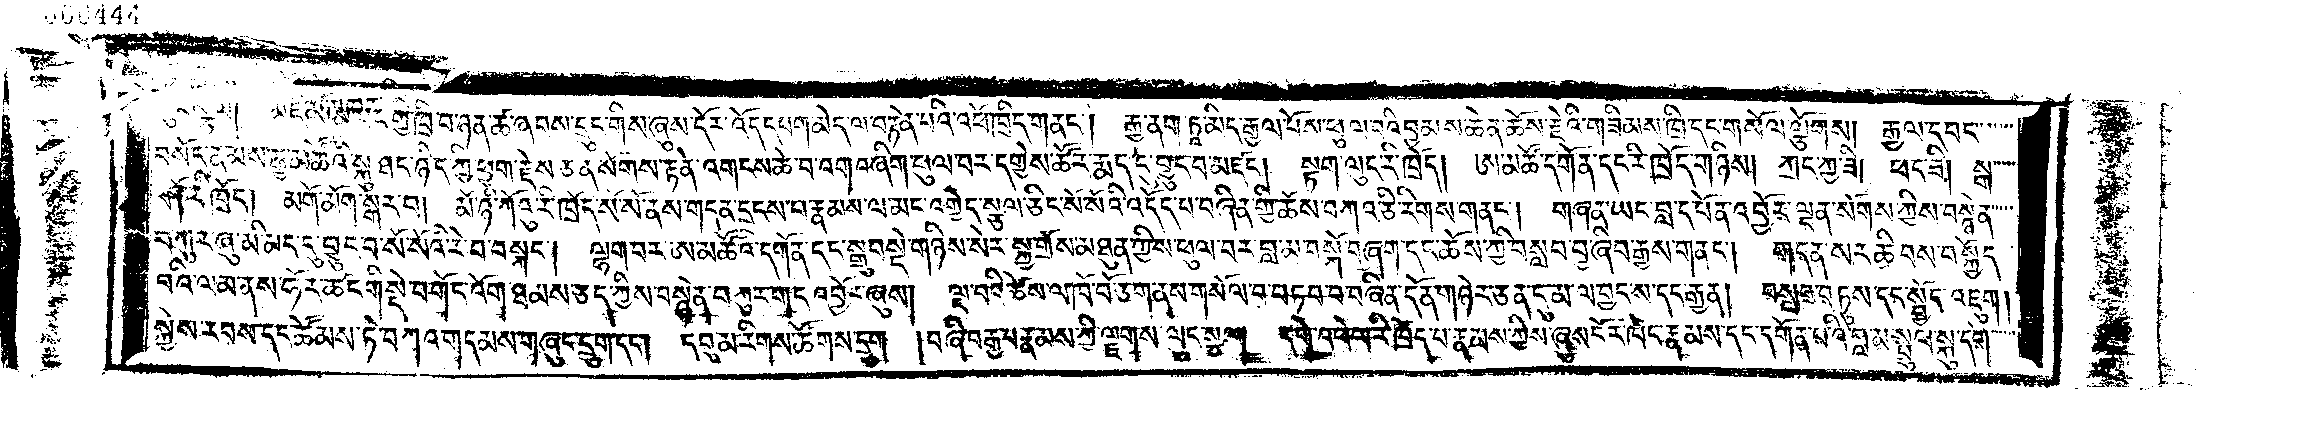ལུང་སྩལ། མཛོ་མོ་མཁར་གྱི་ཁྲི་བ་ཉན་ཚ་ཞབས་དྲུང་གིས་ཞུས་དོར་འོད་དཔག་མེད་ལ་བརྟེན་པའི་འཕོ་ཁྲིད་གནང་། རྒྱ་ནག་ཏཱ་མིང་རྒྱལ་པོས་ཕུལ་བའི་བྱམས་ཆེན་ཆོས་རྗེའི་གཟིམས་ཁྲི་དང་གསོལ་ལྕོགས། རྒྱལ་དབང་
བསོད་ནམས་རྒྱ་མཚོའི་སྐུ་ཐང་ཉིད་ཀྱི་ཕྱག་རྗེས་ཅན་སོགས་རྟེན་འགངས་ཆེ་བ་འགའ་ཞིག་ཕུལ་བར་དགྱེས་ཚོར་རྨད་དུ་བྱུང་བ་མཛད། སྟག་ལུང་རི་ཁྲོད། ཨ་མཚོ་དགོན་དང་རི་ཁྲོད་གཉིས། ཀྲང་ཀྱ་ཟི། ཕང་ཟི། སྒ་
ཤོ་རི་ཁྲོད། མགོ་མོག་སྒར་པ། མེ་ཉི་ཀོའུ་རི་ཁྲོད་སོ་སོ་ནས་གདན་དྲངས་པ་རྣམས་ལ་མང་འབྱེད་སྩལ་ཅིང་སོ་སོའི་འདོད་པ་བཞིན་གྱི་ཆོས་བཀའ་ཅི་རིགས་གནང་། གཞན་ཡང་བློ་དཔོན་འབྱོར་ལྡན་སོགས་ཀྱིས་བསྙེན་
བཀུར་ཞུ་མི་མང་དུ་བྱུང་བ་སོ་སོའི་རེ་བ་བསྐང་། ལྷག་པར་ཨ་མཚོའི་དགོན་དང་སྒྲུབ་སྡེ་གཉིས་སེར་སྐྱ་གྲོས་མཐུན་གྱིས་ཕུལ་བར་བླ་མ་བསྐོ་བཞག་དང་ཆོས་ཀྱི་བསླབ་བྱ་ཞིབ་རྒྱས་གནང་། གདན་སར་ཆི་བས་བསྐྱོད་
པའི་ལམ་ནས་ཧོར་ཚང་གི་སྡེ་བ་གོང་འོག་ཐམས་ཅད་ཀྱིས་བསྙེན་བཀུར་གང་འབྱོར་ཞུས། ལྔ་པའི་ཚེ་ལ་ཁོ་བོ་ཅག་ནས་གསོལ་བ་བཏབ་པ་བཞིན་དོན་གཉེར་ཅན་དུ་མ་ལ་བྱང་ས་དང་རྒྱན། བསླབ་བཏུས་དང་སྤྱོད་འཇུག།
སྐྱེས་རབས་དང་ཚོམས་ཏེ་བཀའ་གདམས་གཞུང་དྲུག་དང་། དབུ་མ་རིགས་ཚོགས་དྲུག། །བཞི་བརྒྱ་པ་རྣམས་ཀྱི་ལྗགས་ལུང་སྩལ། དགེ་འཕེལ་རི་ཁྲོད་པ་རྣམས་ཀྱིས་ཞུས་ངོར་ཁོང་རྣམས་དང་དགོན་པའི་བླ་མ་སྤྲུལ་སྐུ་དགེ་